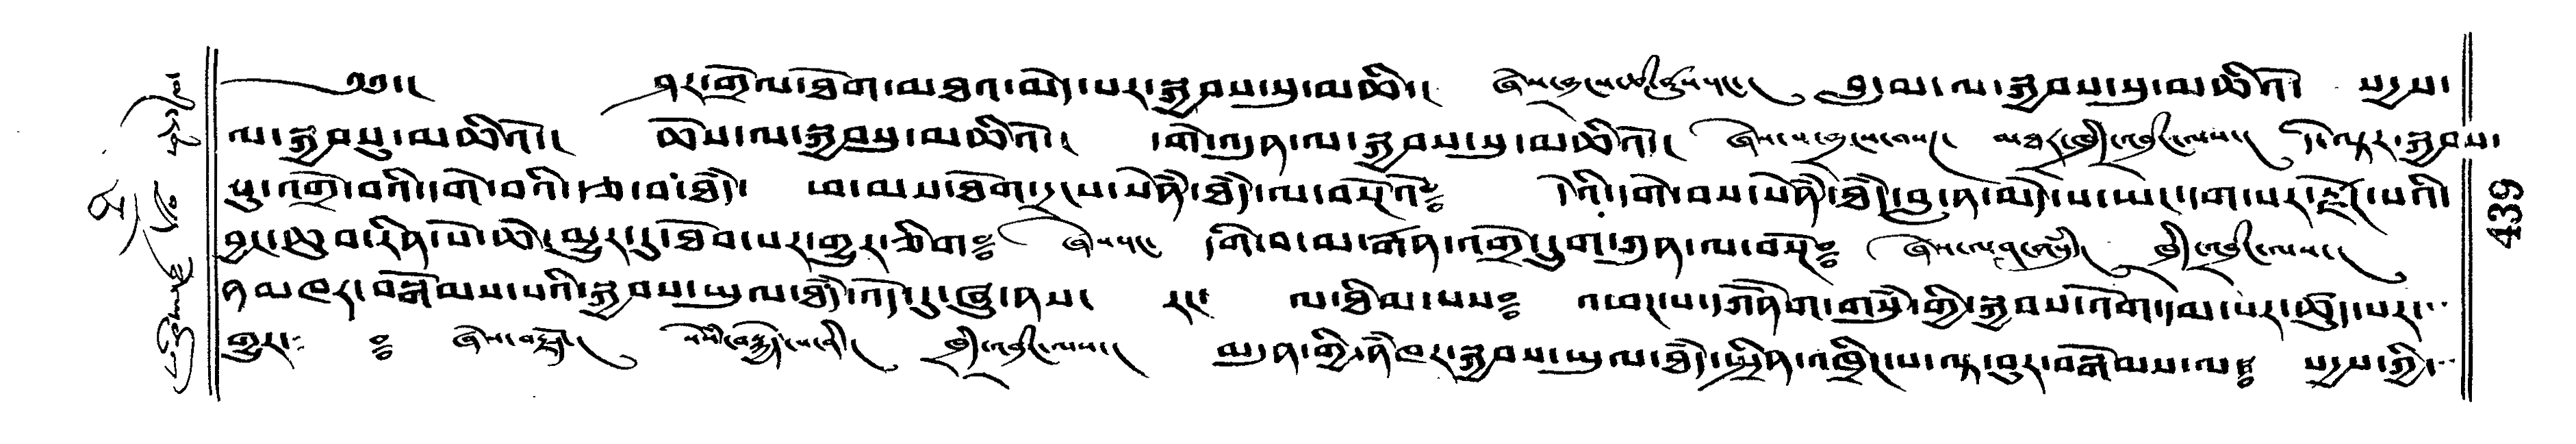ཤར་གྲོལ་ཐོག་མཐའ་མེད་པར་སྐྱབས་སུ་མཆི། ཞེས་གྲངས་ཅི་ནུས་དང་། བླ་མ་ལ་སྐྱབས་སུ་མཆིའོ། སངས་རྒྱས་
ལ་སྐྱབས་སུ་མཆིའོ། ཆོས་ལ་སྐྱབས་སུ་མཆིའོ། དགེ་འདུན་ལ་སྐྱབས་སུ་མཆིའོ། ཞེས་པ་གྲངས་བསག མཐར་ཁྲིད་འབྲིང་ལས། དེ་ལྟར་སྐྱབས་
སུ་འགྲོ་བའི་དགེ་བའི་རྩ་བ་ཐམས་ཅད༔ ཕ་མས་ཐོག་དྲངས་སེམས་ཅན་ཐམས་ཅད་ལ་བསྔོའོ༔ དེའི་དགེ་བས་སེམས་ཅན་ཐམས་ཅད་བླ་ན་མེད་པ་ཡང་དག་པར་རྫོགས་པའི་
བྱང་ཆུབ་རིན་པོ་ཆེ་མྱུར་དུ་འཐོབ་པར་གྱུར་ཅིག༔ཞེས་དང་། དགེ་བ་མ་རྒན་འགྲོ་དྲུག་ཀུན་ལ་བསྔོ༔ ཞེས་ལན་གསུམ། ཁྲིད་འབྲིང་ལས། 
ནམ་མཁར་བསྒོམས་པའི་སྐྱབས་ཡུལ་ཐམས་ཅད་འོད་དུ་ཞུ་ནས་རང་ལ་ཐིམ་པས༔ འཕགས་པ་དཀོན་མཆོག་གསུམ་གྱི་སྐྱབས་འོག་དམ་པར་ཚུད་པར་
གྱུར༔ ཅེས་བརྗོད། སེམས་བསྐྱེད་པ་ནི། ཁྲིད་འབྲིང་ལས། མདུན་གྱི་ནམ་མཁར་སྐྱབས་ཡུལ་ཐམས་ཅད་སྤྲིན་འཁྲིགས་པ་ལྟ་བུར་བསྒོམས་ལ༔ སངས་རྒྱས་ཀྱི་